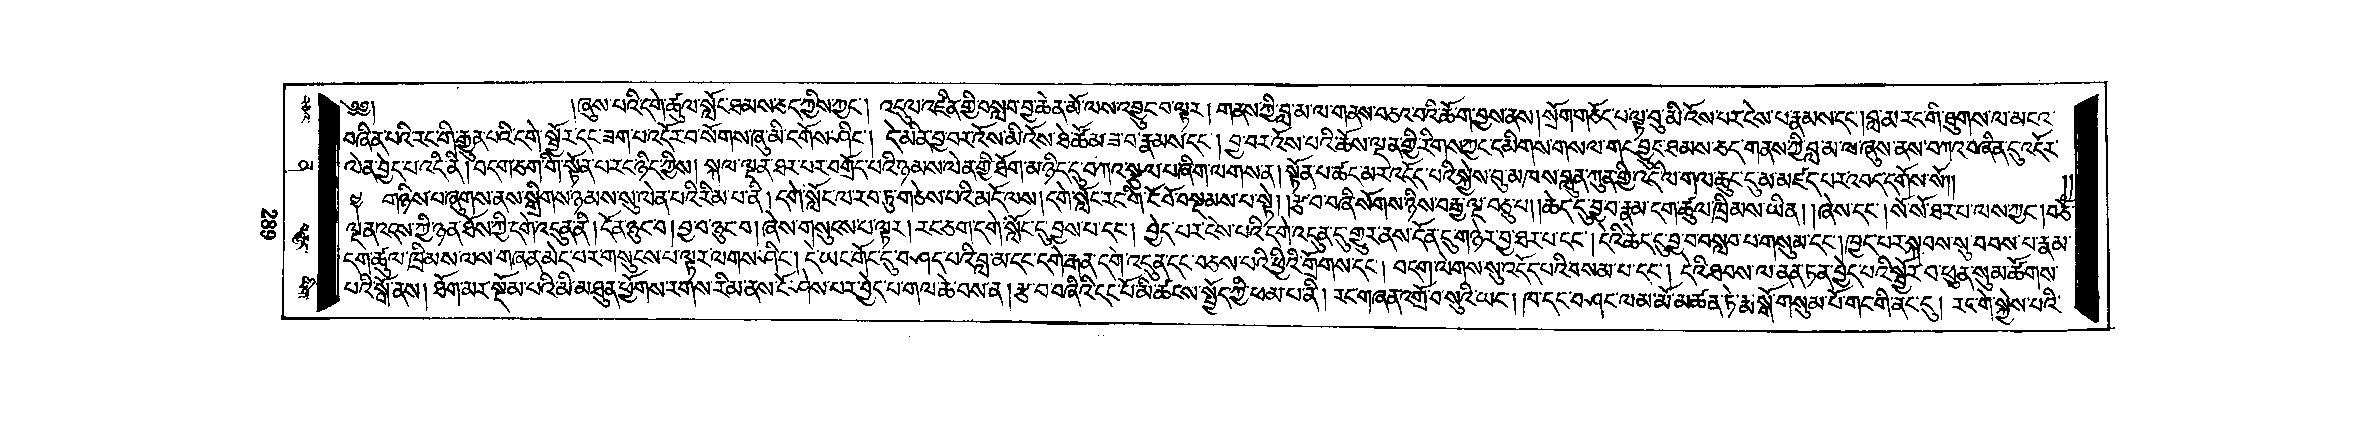༄༅། །ཞུས་པའི་དགེ་ཚུལ་སློང་ཐམས་ཅད་ཀྱིས་ཀྱང་། འདུལ་འཛིན་གྱི་བསླབ་བྱ་ཆེན་མོ་ལས་འབྱུང་བ་ལྟར། གནས་ཀྱི་བླ་མ་ལ་གནས་བཅའ་བའི་ཆོ་ག་བྱས་ནས། སྲོག་གཅོད་པ་ལྟ་བུ་མི་འོས་པར་ངེས་པ་རྣམས་དང་། བླ་མ་རང་གི་ཐུགས་ལ་མངའ་
བཞིན་པའི་རང་གི་རྒྱུན་པའི་དགེ་སྦྱོར་དང་ཟག་པ་འདོར་བ་སོགས་ཞུ་མི་དགོས་ཤིང་། དེ་མིན་བྱ་བར་འོས་མི་འོས་ཐེ་ཚོམ་ཟ་བ་རྣམས་དང་། བྱ་བར་འོས་པའི་ཆོས་ལྡན་གྱི་རིགས་ཀྱང་དམིགས་གསལ་གང་བྱུང་ཐམས་ཅད་གནས་ཀྱི་བླ་མ་ལ་ཞུས་ནས་བཀའ་བཞིན་དུ་འདོར་
ལེན་བྱེད་པ་འདི་ནི། བདག་ཅག་གི་སྟོན་པ་རང་ཉིད་ཀྱིས། སྐལ་ལྡན་ཐར་པར་བགྲོད་པའི་ཉམས་ལེན་གྱི་ཐོག་མ་ཉིད་དུ་བཀའ་སྩལ་པ་ཞིག་ལགས་ན། སྟོན་པ་ཚད་མར་འདོད་པའི་སྐྱེས་བུ་མཁས་བླུན་ཀུན་གྱི་འདི་ལ་གལ་ཆུང་དུ་མ་མཛད་པར་འབད་དགོས་སོ།། །།
༈ གཉིས་པ་ཞུགས་ནས་སྒྲིགས་ཉམས་སུ་ལེན་པའི་རིམ་པ་ནི། དགེ་སློང་ལ་རབ་ཏུ་གཅེས་པའི་མདོ་ལས། དགེ་སློང་རང་གི་ངོ་བོ་བླངས་མ་ཐ་
རྩ་བ་བཞི་སོགས་ཉིས་བརྒྱ་ལྔ་བཅུ་པ། །ཆེད་དུ་བྱ་བ་རྣམ་དག་ཚུལ་ཁྲིམས་ཡིན། །ཞེས་དང་། སོ་སོ་ཐར་པ་ལས་ཀྱང་། བཅོམ་
ལྡན་འདས་ཀྱི་ཉན་ཐོས་ཀྱི་དགེ་འདུན་ནི། དོན་ཉུང་བ། བྱ་བ་ཉུང་བ། ཞེས་གསུངས་པ་ལྟར། རང་ཅག་དགེ་སློང་དུ་བྱས་པ་དང་། བྱེད་པར་ངེས་པའི་དགེ་འདུན་དུ་གྱུར་ནས་དོན་དུ་གཉེར་བྱ་ཐར་པ་དང་། དེའི་ཆེད་དུ་བྱ་བ་བསླབ་པ་གསུམ་དང་། ཁྱད་པར་སྐབས་སུ་བབས་པ་རྣམ་
དག་ཚུལ་ཁྲིམས་ལས་གཞན་མེད་པར་གསུངས་པ་ལྟར་ལགས་ཤིང་། དེ་ཡང་གོང་དུ་བཤད་པའི་བླ་མ་དང་དགེ་རྒན་དགེ་འདུན་དང་བཅས་པའི་ཕྱིའི་གྲོགས་དང་། བདག་ལེགས་སུ་འདོད་པའི་བསམ་པ་དང་། དེའི་ཐབས་ལ་ནན་ཏན་བྱེད་པའི་སྦྱོར་བ་ཕུན་སུམ་ཚོགས་
པའི་སྒོ་ནས། ཐོག་མར་སྡོམ་པའི་མི་མཐུན་ཕྱོགས་རགས་རིམ་ནས་ངོ་ཤེས་པར་བྱེད་པ་གལ་ཆེ་བས་ན། རྩ་བ་བཞིའི་དང་པོ་མི་ཚངས་སྤྱོད་ཀྱི་ཕམ་པ་ནི། རང་གཞན་འགྲོ་བ་སུའི་ཡང་། ཁ་དང་བཤང་ལམ་མོ་མཚན་ཏེ་རྨ་སྒོ་གསུམ་པོ་གང་གི་ནང་དུ། རང་གེ་སྐྱེས་པའི་